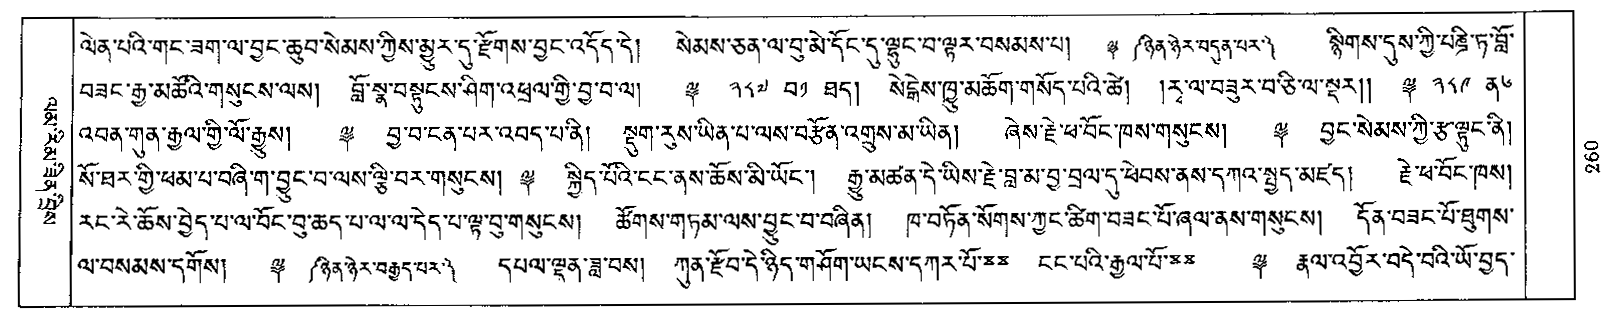ལེན་པའི་གང་ཟག་ལ་བྱང་ཆུབ་སེམས་ཀྱིས་མྱུར་དུ་རྫོགས་བྱང་འདོད་དེ། སེམས་ཅན་ལ་བུ་མེ་དོང་དུ་ལྷུང་བ་ལྟར་བསམས་པ། ༈ ཉིན་ཉེར་བདུན་པར྄་སྙིགས་དུས་ཀྱི་པཎྜི་ཏ་བློ་
བཟང་རྒྱ་མཚོའི་གསུངས་ལས། བློ་སྣ་བསྟུངས་ཤིག་འཕྲལ་གྱི་བྱ་བ་ལ། ༈ ༢༨༧་བ ༡་ཐད། སེངྒེས་ཁྱུ་མཆོག་གསོད་པའི་ཚེ། །རྭ་ལ་བཟུར་བ་ཅི་ལ་སྡར།། ༈ ༢༨༩་ན ༦
འབན་གུན་རྒྱལ་གྱི་ལོ་རྒྱུས། ༈ བྱ་བ་ངན་པར་འབད་པ་ནི། སྡུག་རུས་ཡིན་པ་ལས་བརྩོན་འགྲུས་མ་ཡིན། ཞེས་རྗེ་ཕ་བོང་ཁས་གསུངས། ༈ བྱང་སེམས་ཀྱི་རྩ་ལྟུང་ནི།
སོ་ཐར་གྱི་ཕམ་པ་བཞི་ག་བྱུང་བ་ལས་ལྕི་བར་གསུངས། ༈ སྐྱིད་པོའི་ངང་ནས་ཆོས་མི་ཡོང་། རྒྱུ་མཚན་དེ་ཡིས་རྗེ་བླ་མ་བྱ་བྲལ་དུ་ཕེབས་ནས་དཀའ་སྤྱད་མཛད། རྗེ་ཕ་བོང་ཁས།
རང་རེ་ཆོས་བྱེད་པ་ལ་བོང་བུ་ཆད་པ་ལ་ལ་དེད་པ་ལྟ་བུ་གསུངས། ཚོགས་གཏམ་ལས་བྱུང་བ་བཞིན། ཁ་བཏོན་སོགས་ཀྱང་ཚིག་བཟང་པོ་ཞལ་ནས་གསུངས། དོན་བཟང་པོ་ཐུགས་
ལ་བསམས་དགོས། ༈ ཉིན་ཉེར་བརྒྱད་པར྄་དཔལ་ལྡན་ཟླ་བས། ཀུན་རྫོབ་དེ་ཉིད་གཤོག་ཡངས་དཀར་པོ་྾྾་ངང་པའི་རྒྱལ་པོ་྾྾་༈ རྣལ་འབྱོར་བདེ་བའི་ཡོ་བྱད་